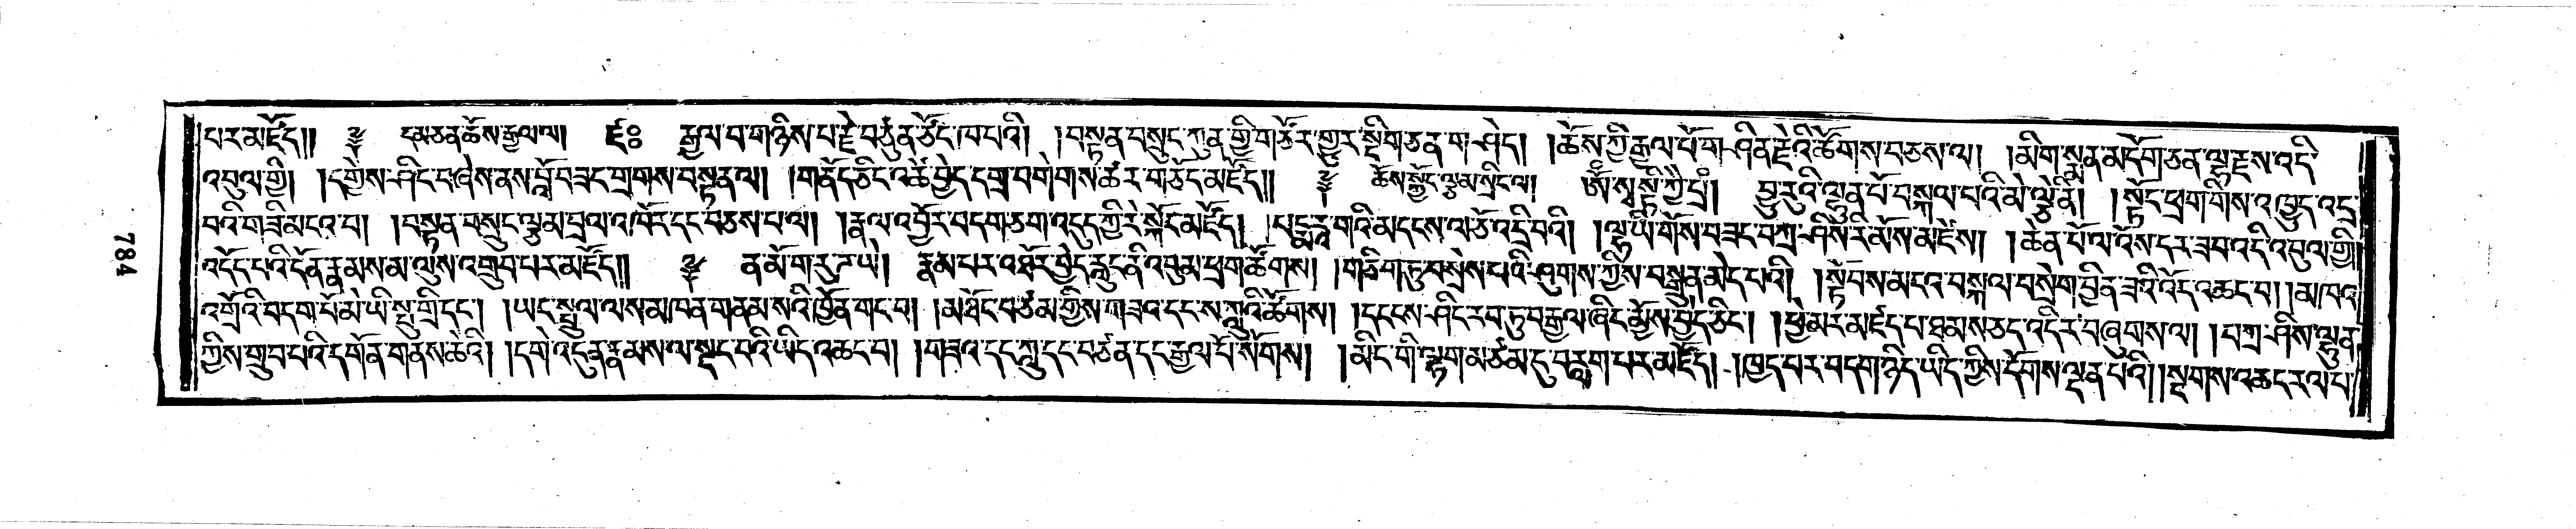པར་མཛོད།། ༈ དམ་ཅན་ཆོས་རྒྱལ་ལ། ཛཿ རྒྱལ་བ་གཉིས་པ་རྗེ་བཙུན་ཙོང་ཁ་པའི། །བསྟན་བསྲུང་ཀུན་གྱི་གཙོར་གྱུར་སྡིག་ཅན་གཤེད། །ཆོས་ཀྱི་རྒྱལ་པོ་གཤིན་རྗེའི་ཚོགས་བཅས་ལ། །མིག་སྨན་མདོག་ཅན་ལྷ་རྗས་འདི་
འབུལ་གྱི། །དགྱེས་ཤིང་བཞེས་ནས་བློ་བཟང་གྲགས་བསྟན་ལ། །གནོད་ཅིང་འཚེ་བྱེད་དགྲ་བགེགས་ཚར་གཅོད་མཛོད།། ༈ ཆོས་སྐྱོང་ལྕམ་སྲིང་ལ། ཨོཾ་སྭསྟི་ཀྱཻ་པྲཾ། བྱུ་རུའི་ལྷུན་པོ་བསྐལ་པའི་མེ་ལྕེ་ནི། །སྟོང་ཕྲག་གིས་འཁྱུད་འདྲ་
བའི་གཟི་མངའ་བ། །བསྟན་བསྲུང་ལྕམ་བྲལ་འཁོར་དང་བཅས་པ་ལ། །རྣལ་འབྱོར་བདག་ཅག་འདུད་ཀྱི་རེ་སྐོང་མཛོད། །པདམ་རཱ་གའི་མདངས་ལ་ཅོ་འདྲི་བའི། །ལྷ་ཡི་གོས་བཟང་བཀྲ་ཤིས་རི་མོས་མཛེས། །ཆེན་པོ་ལ་འོས་དར་ཟབ་འདི་འབུལ་གྱི།
འདོད་པའི་དོན་རྣམས་མ་ལུས་འགྲུབ་པར་མཛོད།། ༈ ན་མོ་ག་རུ་ཌ་ཡེ། རྣམ་པར་འཐོར་བྱེད་རླུང་ནི་འབུལ་ཕྲག་ཚོགས། །གཅིག་ཏུ་བསྲེས་པའི་ཤུགས་ཀྱིས་བསྒྲུན་མེད་པའི། །སྟོབས་མངའ་བསྐལ་བསྲེག་བྱིན་ཟའི་འོད་འཆང་བ། །མཁའ་
འགྲོའི་བདག་པོ་མེ་ཡི་སྤུ་གྲི་དང་། །ཡང་སྤྲུལ་ལས་མཁན་གནམ་སའི་ཁྱོན་གང་བ། །མཐོང་བ་ཙམ་གྱིས་གཟའ་དང་ས་ཀླུའི་ཚོགས། །དངས་ཤིང་རབ་ཏུ་བརྒྱལ་ཞིང་མྱོས་བྱེད་ཅིང་། །ཕྱེ་མར་མཛད་པ་ཐམས་ཅད་འདིར་བཞུགས་ལ། །བཀྲ་ཤིས་ལྷུན་
ཀྱིས་གྲུབ་པའི་དགོན་གནས་ཆེའི། །དགེ་འདུན་རྣམས་ལ་སྡང་བའི་ཡིད་འཆང་བ། །གཟའ་དང་ཀླུ་དང་བཙན་དང་རྒྱལ་པོ་སོགས། །མིང་གི་ལྷག་མ་ཙམ་དུ་བརླག་པར་མཛོད། །ཁྱད་པར་བདག་ཉིད་ཡིད་ཀྱིས་དོགས་ལྡན་པའི། །སྔགས་འཆང་རལ་པ་